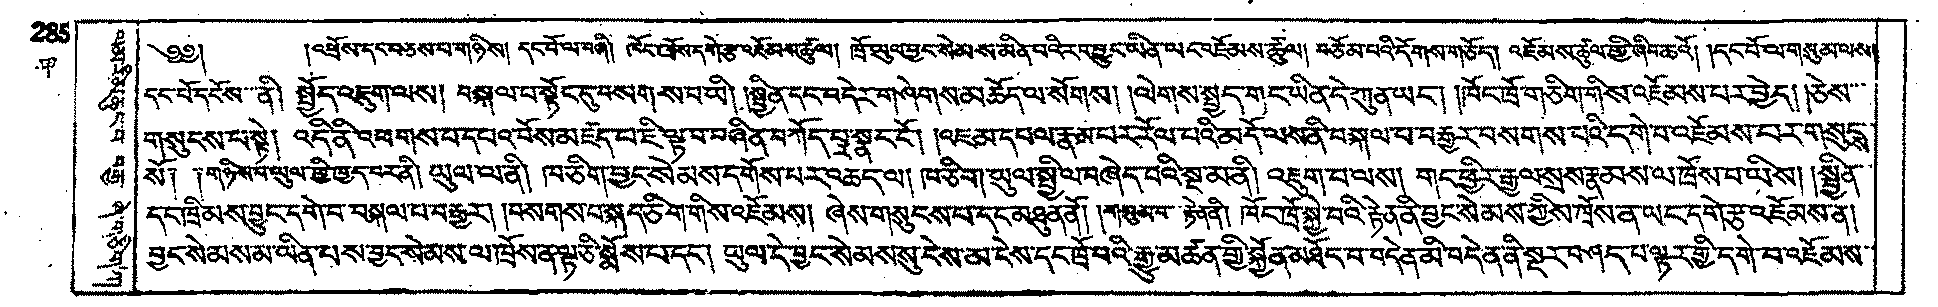༄༅། །འཕྲོས་དང་བཅས་པ་གཉིས། དང་པོ་ལ་བཞི། ཁོང་ཁྲོས་དགེ་རྩ་འཇོམས་ཚུལ། ཁྲོ་ཡུལ་བྱང་སེམས་མིན་པའི་རབ་བྱུང་ཡིན་ཡང་འཇོམས་ཚུལ། བཅོམ་པའི་དོགས་གཅོད། འཇོམས་ཚུལ་གྱི་ཞིབ་ཆའོ། །དང་པོ་ལ་གསུམ་ལས་
དང་པོ་དངོསྣི། སྤྱོད་འཇུག་ལས། བསྐལ་པ་སྟོང་དུ་བསགས་པ་ཡི། །སྦྱིན་དང་བདེར་གཤེགས་མཆོད་ལ་སོགས། །ལེགས་སྤྱད་གང་ཡིན་དེ་ཀུན་ཡང་། །ཁོང་ཁྲོ་གཅིག་གིས་འཇོམས་པར་བྱེད། །ཅེས་
གསུངས་པ་སྟེ། འདི་ནི་འཕགས་པ་དཔའ་བོས་མཛད་པ་ཇི་ལྟ་བ་བཞིན་བཀོད་པར་སྣང་ངོ། །འཇམ་དཔལ་རྣམ་པར་རོལ་པའི་མདོ་ལས་ནི་བསྐལ་པ་བརྒྱར་བསགས་པའི་དགེ་བ་འཇོམས་པར་གསུངས་
སོ༑ ༑གཉིས་བ་ཡུལ་གྱི་ཁྱད་བར་ནི། ཡུལ་ལ་ནི། ཁ་ཅིག་བྱང་སེམས་དགོས་པར་འཆད་ལ། ཁ་ཅིག་ཡུལ་སྤྱི་ལ་བཞེད་བའི་སྔ་མ་ནི། འཇུག་པ་ལས། གང་ཕྱིར་རྒྱལ་སྲས་རྣམས་ལ་ཁྲོས་པ་ཡིས། །སྦྱིན་
དང་ཁྲིམས་བྱུང་དགེ་བ་བསྐལ་པ་བརྒྱར། །བསགས་པ་སྐད་ཅིག་གིས་འཇོམས། ཞེས་གསུངས་པ་དང་མཐུན་ནོ། །གསུམ་པརྟེན་ནི།  ཁོང་ཁྲོ་སྐྱེ་བའི་རྟེན་ནི་བྱང་སེམས་ཀྱིས་ཁྲོས་ན་ཡང་དགེ་རྩ་འཇོམས་ན།
བྱང་སེམས་མ་ཡིན་པས་བྱང་སེམས་ལ་ཁྲོས་ན་ལྟ་ཅི་སྨོས་པ་དང་། ཡུལ་དེ་བྱང་སེམས་སུ་ངེས་མ་ངེས་དང་ཁྲོ་བའི་རྒྱུ་མཚན་གྱི་སྐྱོན་མཐོང་བ་བདེན་མི་བདེན་ནི་སྔར་བཤད་པ་ལྟར་གྱི་དགེ་བ་འཇོམས་